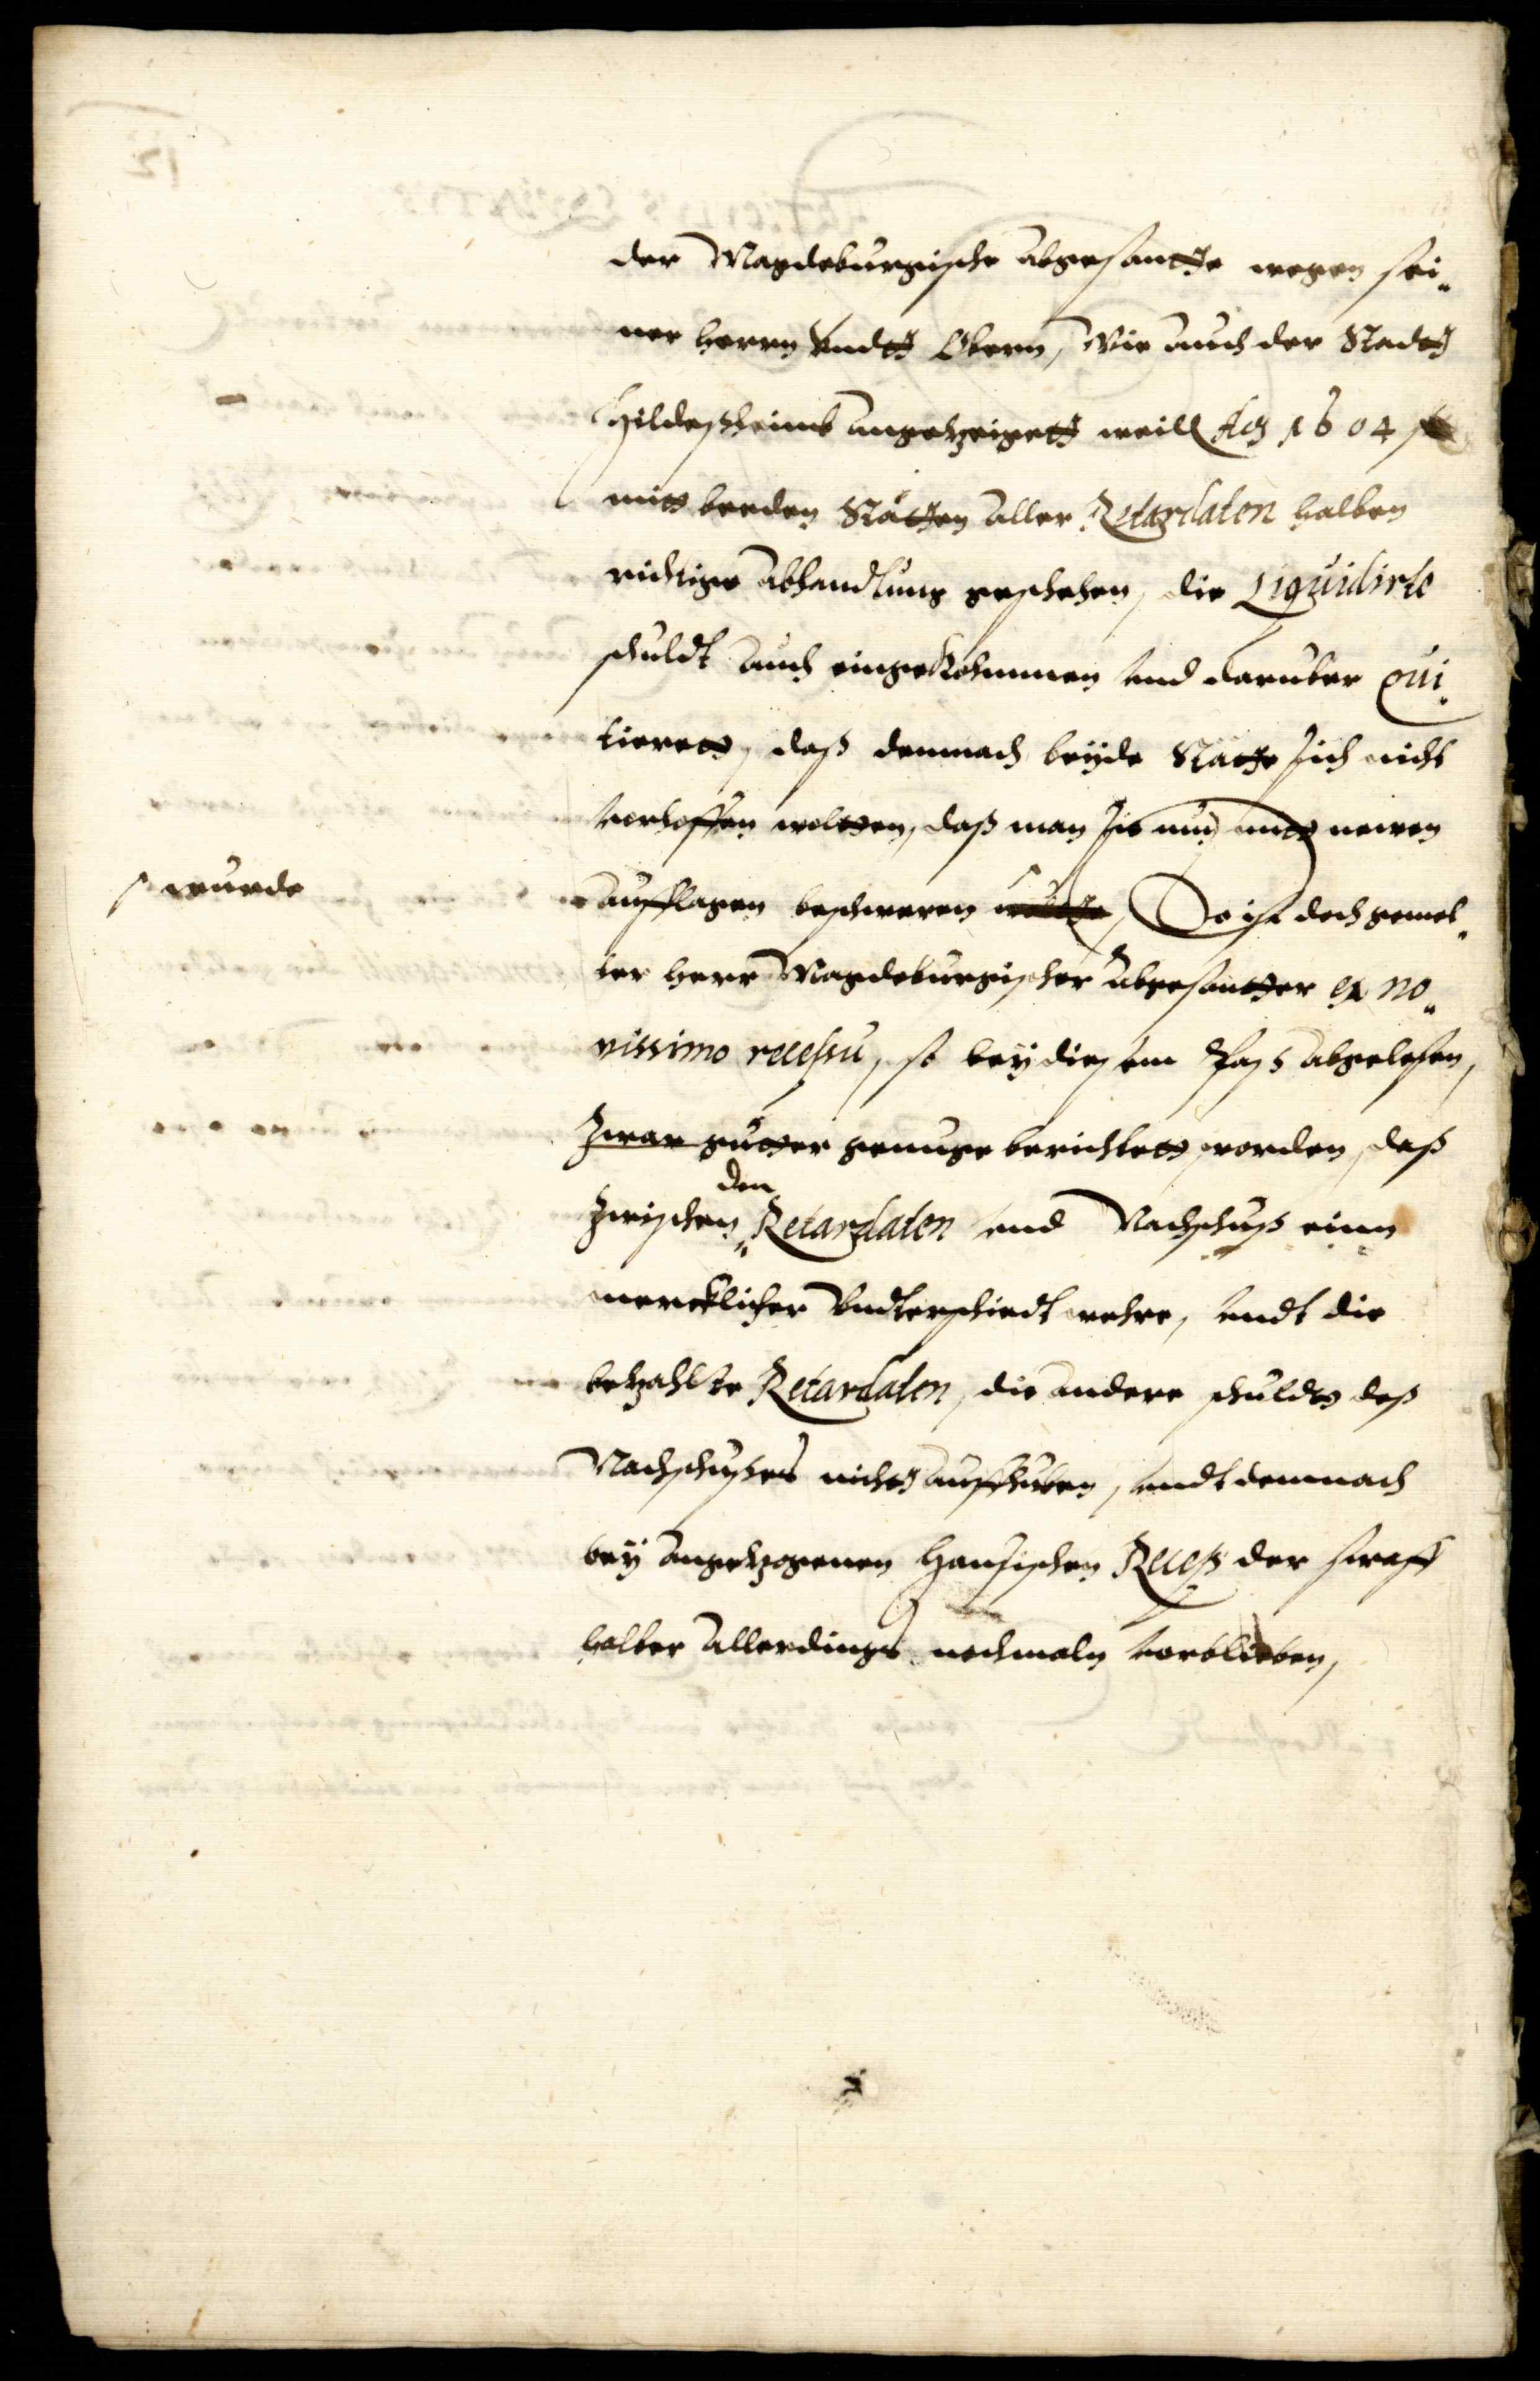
der Magdeburgische Abgesantte wegen sei¬
ner herrn vndtt Obern, Wie Auch der Stadtt
Hildeßheimb Angetzeigett weill Ao 1604,
mitt beeden Stätten Aller Retardaten halben
richtige Abhandlung geschehen, die Liquidirte
schuldt Auch eingekohmmen vnd daruber qui¬
tierett, daß demnach beijde Stätte sich nicht
verhoffen woltten, daß man sie nun mitt newen
Aufflagen beschweren * woltte, So ist doch gemel¬
ter herr Magdeburgischer Abgesantter ex no¬
vissimo recessu, so beij diesem Paß Abgelesen,
zwar gutter genuge berichtett worden, daß
zwischen den Retardaten vnd Nachschuß einn
mercklicher Vndterschiedt wehre, vndtt die
betzahlte Retardaten, die andere schuldtt deß
Nachschußes nicht aufhuben, vndtt demnach
beij Angetzogenen Hansischen Receß der straff
halber Allerdings nochmaln vorblieben,
* wurde
